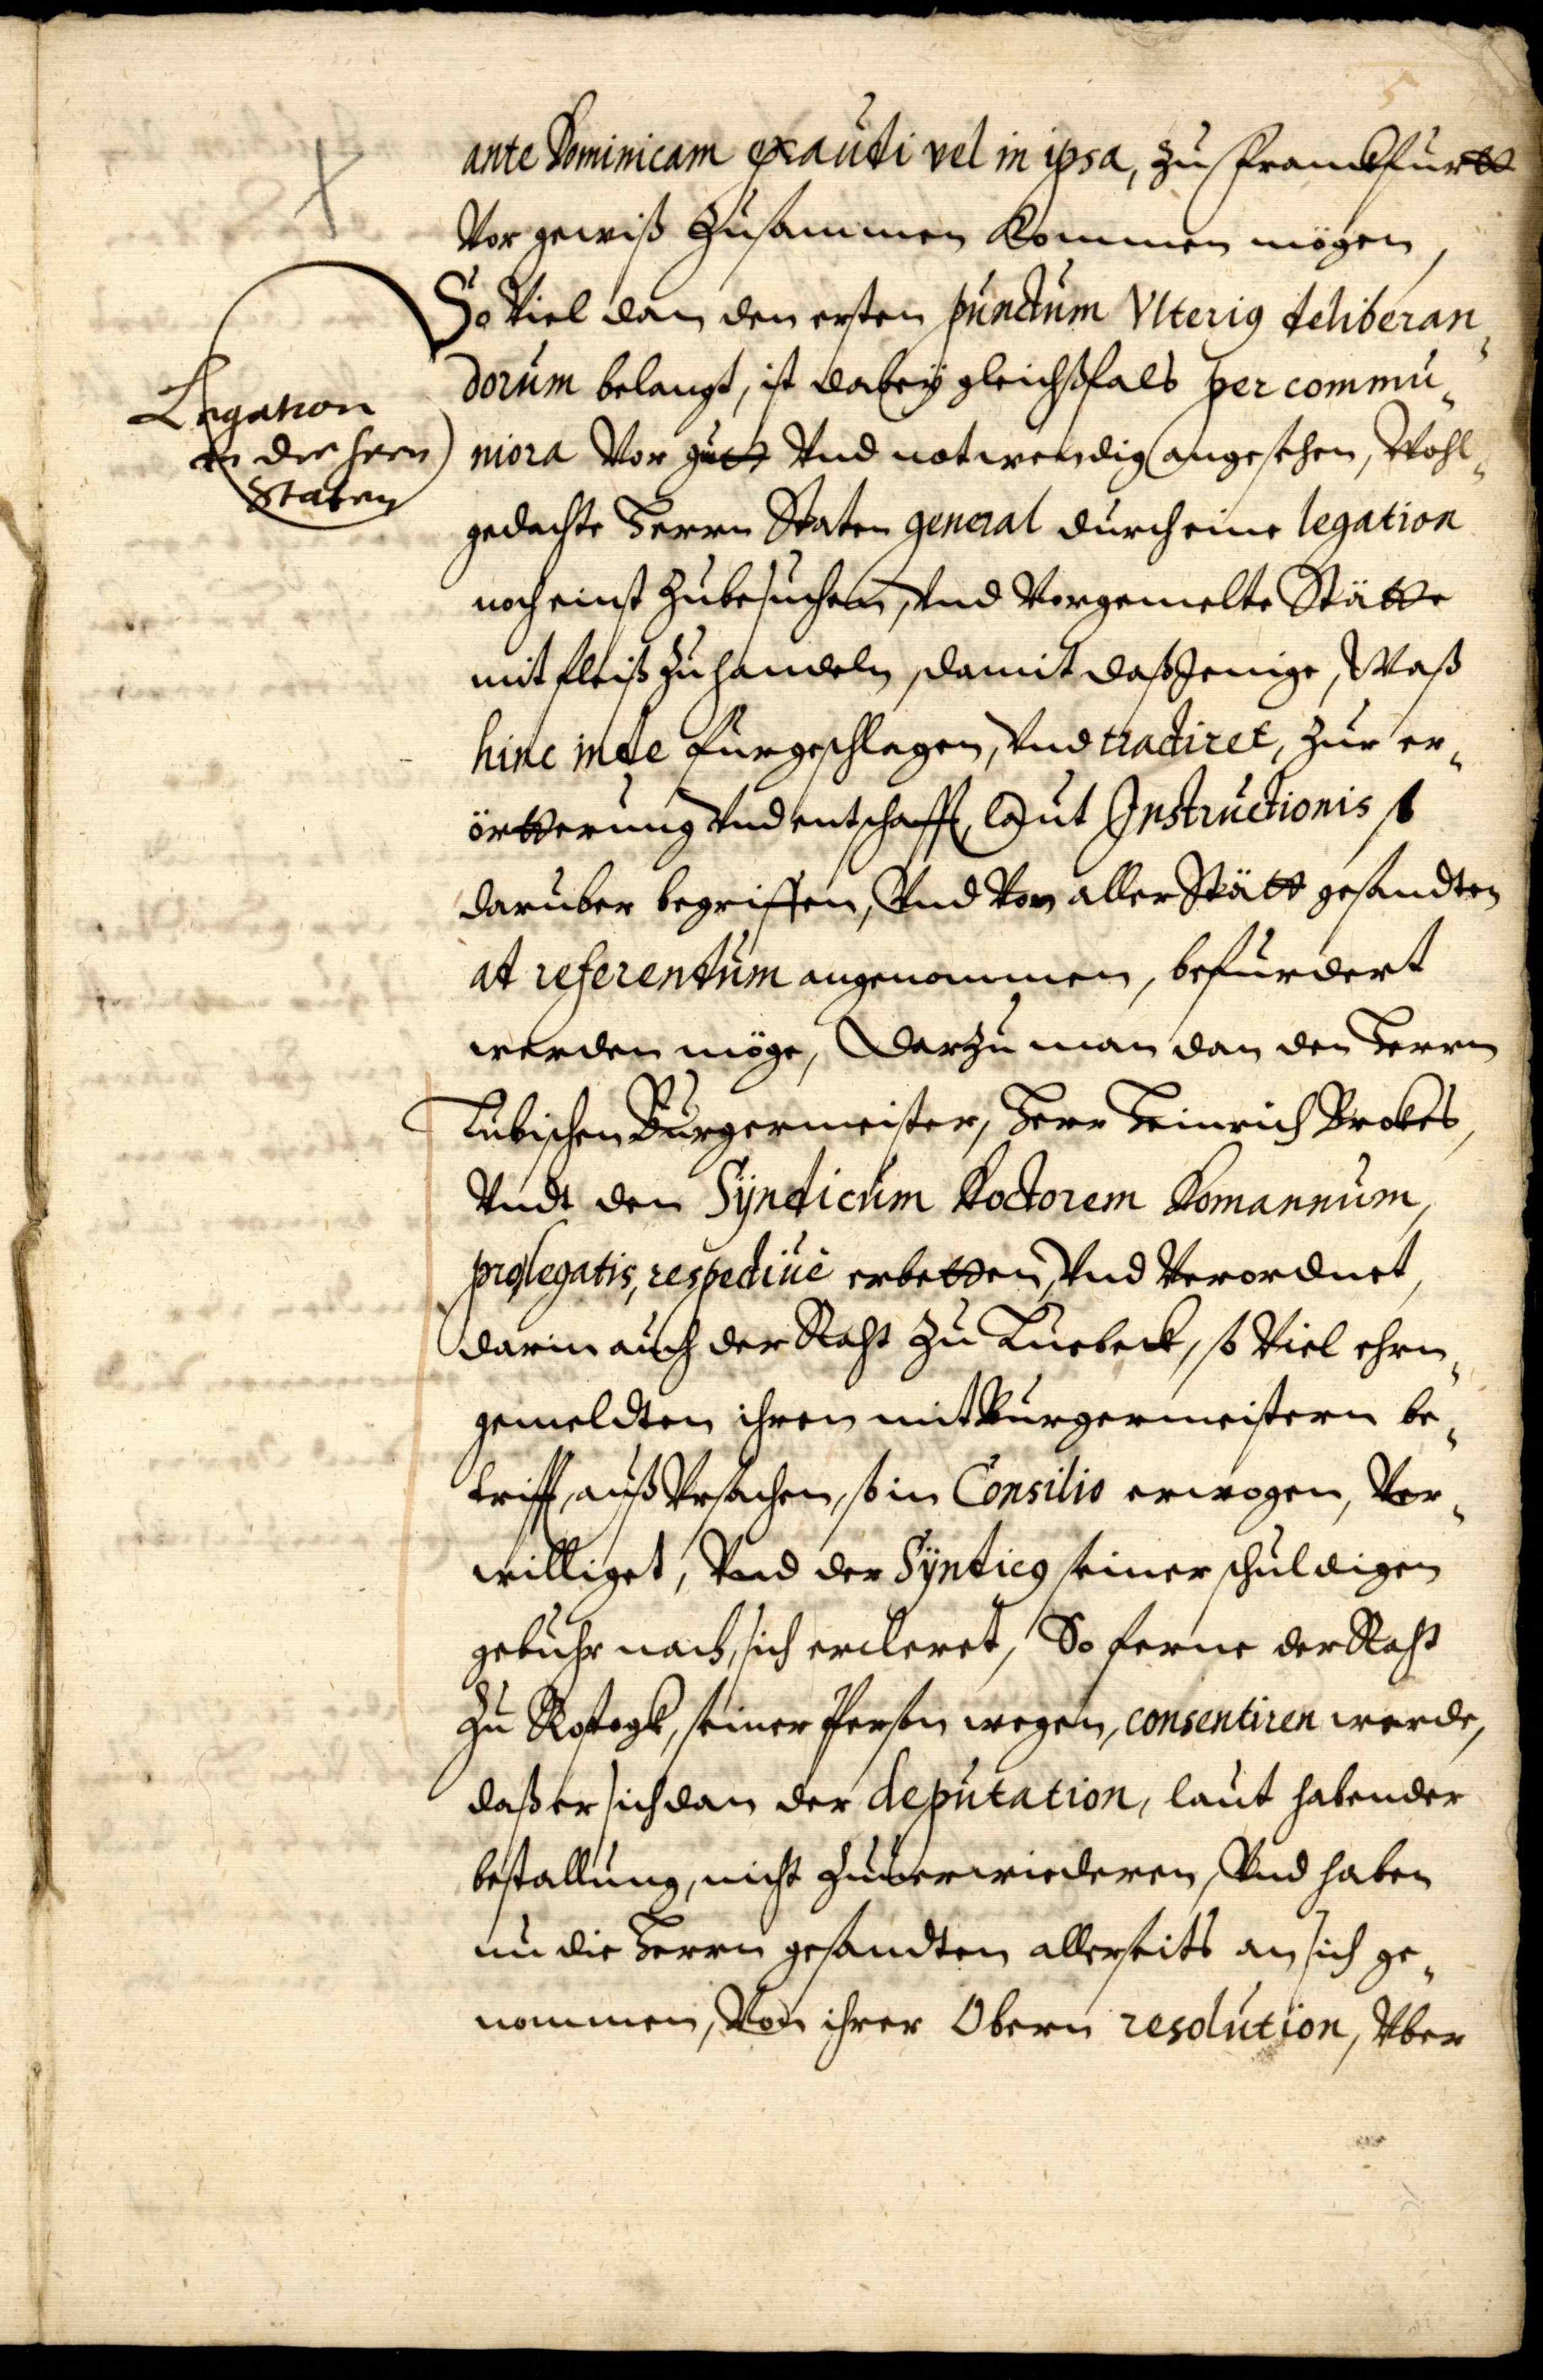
5
ante Dominicam exaudi vel in ipsa, zu Franckturtt
vor gewiß zusammen kommen mögen,
Legation
an den hern
Staten
So Viel dan den ersten punctum Vlterius deliberan¬
dorum belangt, ist dabeij gleichßfals per commu¬
niora Vor gutt Vnd notwendig angesehen, Wohl¬
gedachte herrn Staten general durch eine legation
noch einst zubesuchen, vnd vorgemelte Stätte
mit fleiß zu handeln, damit daßjenige, Waß
hinc inde furgeschlagen, Vnd tractiret, zur er¬
örtterung Vnd entschafft, laut Instructionis so
daruber begriffen, Vnd Von aller Stätt gesandten
ad referendum angenommen, befurdert
werden möge, Darzu man dan den herrn
Lubischen Burgermeister, hern Heinrich Brokes,
Vndt den Sijndicum Doctorem Domannum,
prolegatis, respectiue erbetten, Vnd Verordnet,
darin auch der Raht zu Luebeck, so Viel ehrn¬
gemeldten ihren mitburgermeistern be¬
trifft, auß Vrsachen, so in Consilio erwogen, vor¬
williget, Vnd der Sijndicus einer schuldigen
gebühr nach sich ercleret, So ferner der Raht
zu Rostogk, seiner Person wegen, consentiren werde,
daß er sich dan der deputation, laut habender
bestallung, nicht zuuerwiederen, Vnd haben
nu die herrn gesandten allerseits an sich ge¬
nommen, Von ihrer Obern resolution, Vber
